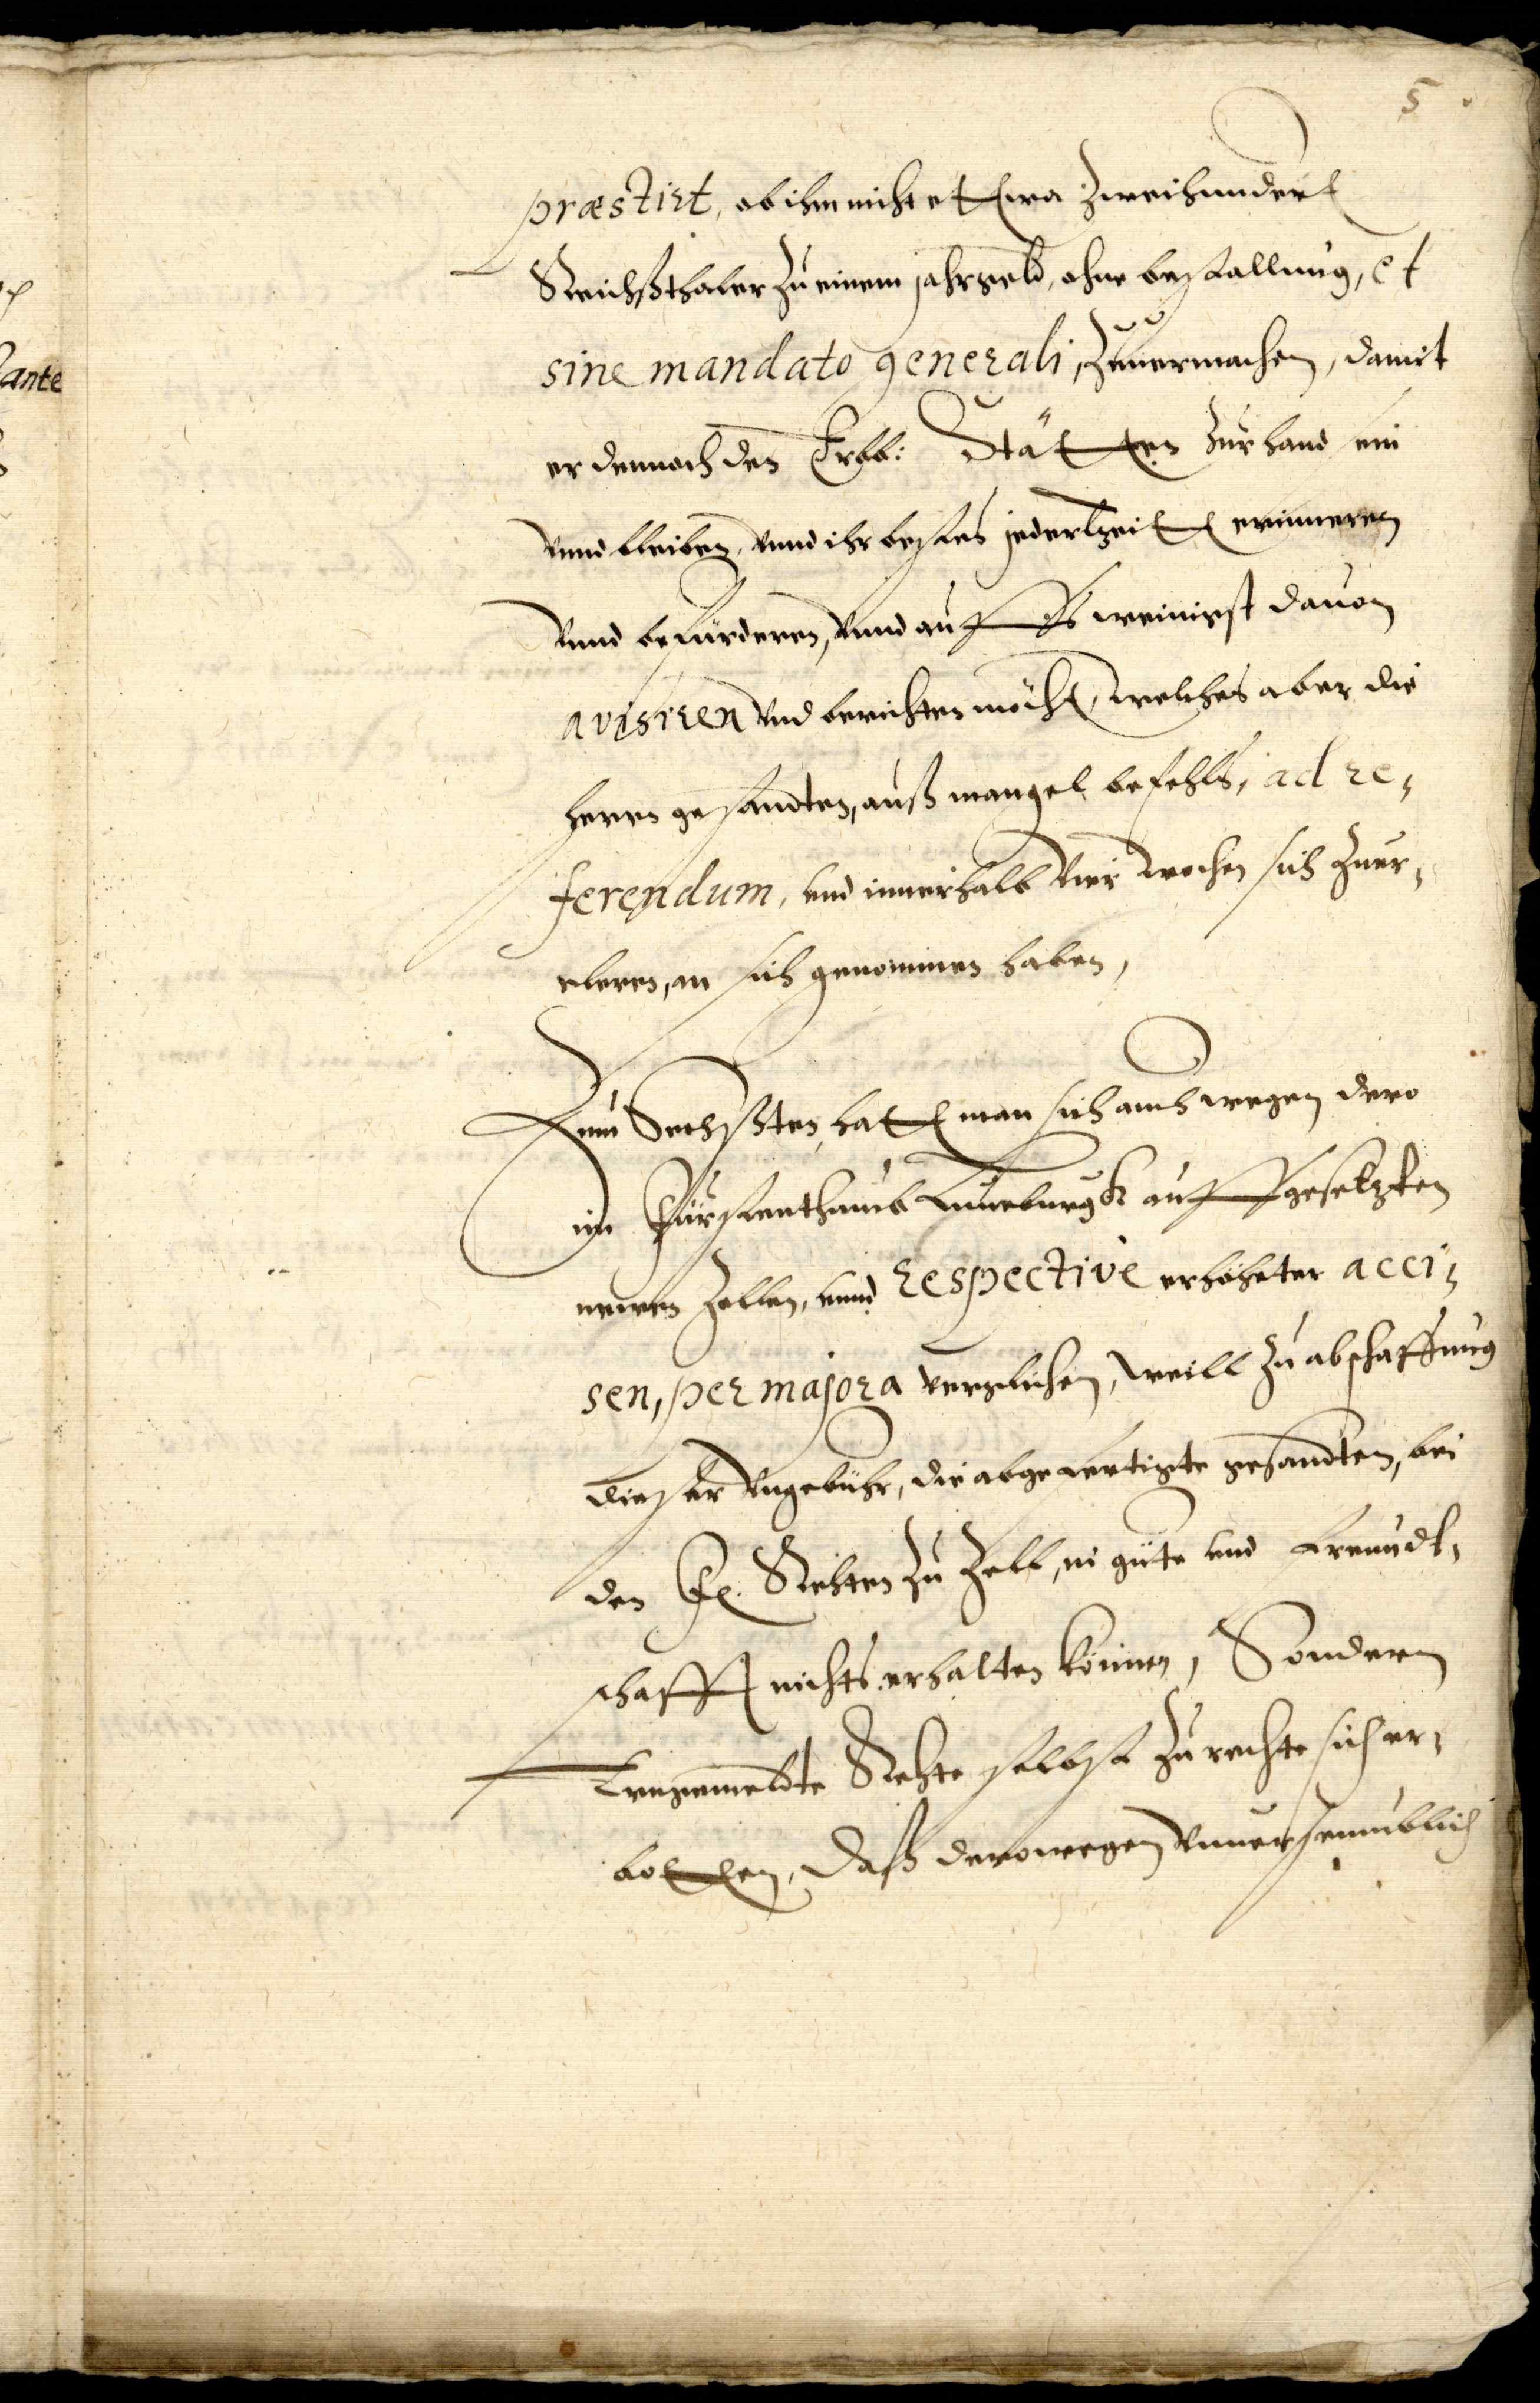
5.
praestirt, ob ihm nicht ettwa zweihundert
Reichßthaler zu einem jahrgeld, ohne bestallung, et
sine mandato generali, zuuermachen, damit
er dennoch den Erbb: Stätten zur hand sein
vnnd bleiben, vnnd ihr bestes jedertzeitt erinneren
vnnd befürderen, vnnd auffs weinigst dauon
avisiren vnd berichten möcht, welches aber die
herrn gesandten, auß mangel befehls, ad re¬
ferendum, vnd innerhalb vier wochen sich zuer¬
cleren, an sich genommen haben,
Zum Sechßten, hatt man sich auch wegen dero
im Fürstenthumb Luneburgk auffgesetzten
newen Zahlen, vnnd respective erhöheter acci¬
sen, per majora verglichen , weill zu abschaffung
dieser vngebühr, die abbgefertigte gesandten, bei
den Fl: Rehten zu Zell, in güte vnd freundt¬
schafft nichts erhalten können, Sondern
Erngemeldte Rehte selbst zu rechte sich er¬
botten, daß derowegen vnuerseumblich
